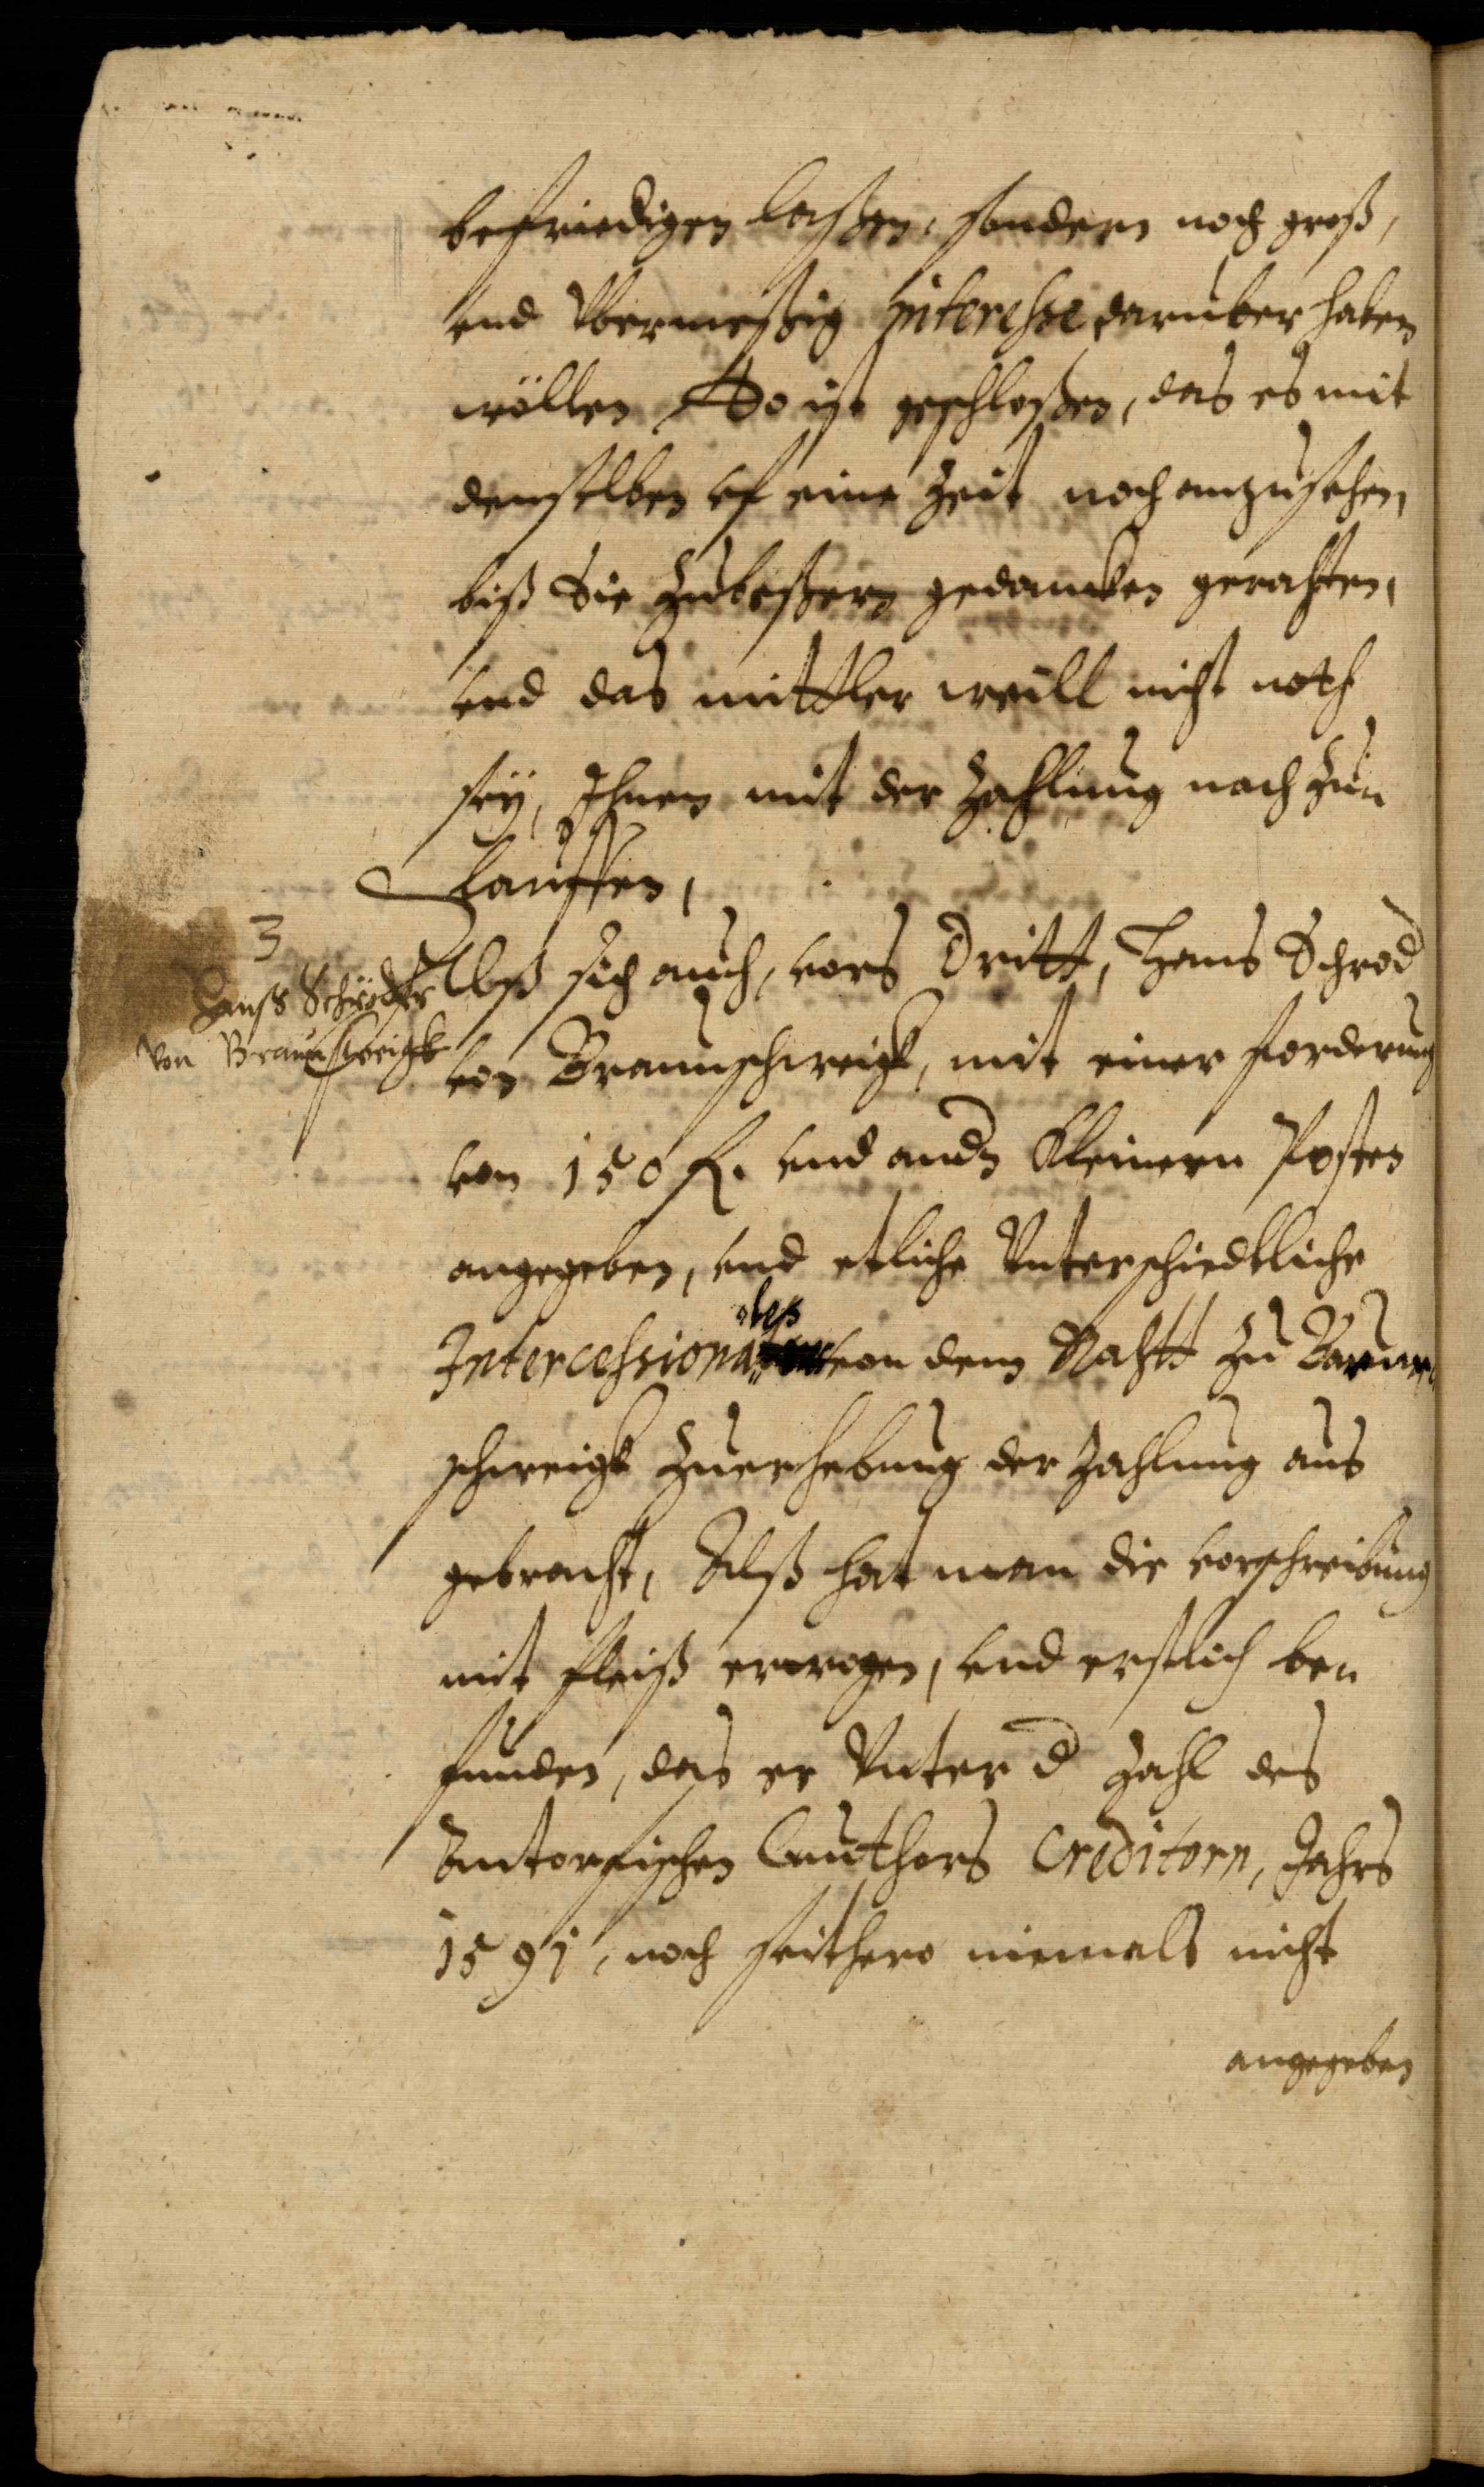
3
Hans Schröder
von Braunschweigk
befriedigen laßen, sondern noch groß,
vnd vbermeßig interesse daruber haben
wöllen, So ist geschloßen, das es mit
demselben vf eine zeit noch anzusehen,
biß die zubeßern gedanken gerahten,
vnd das mittler weill nicht noth
seij, Ihnen mit der zahlung nach zu¬
lauffen,
Alß sich auch, vors Dritt, Hans Schroder
von Braunschweigk, mit einer forderung
von 150 f. vnd andern kleinen Posten
angegeben, vnd etliche vnterschiedliche
Intercessionalesvor von dem Rahtt zu Braun¬
schweigk zuerhebung der zahlung aus
gebracht, Alß hat man die vorschreibung
mit fleiß erwogen, vnd erstlich be¬
funden, das er vnter der zahl des
Antorfischen Cunthors Creditorn, Jahres
1591, noch seithero niemals nicht
angegeben
